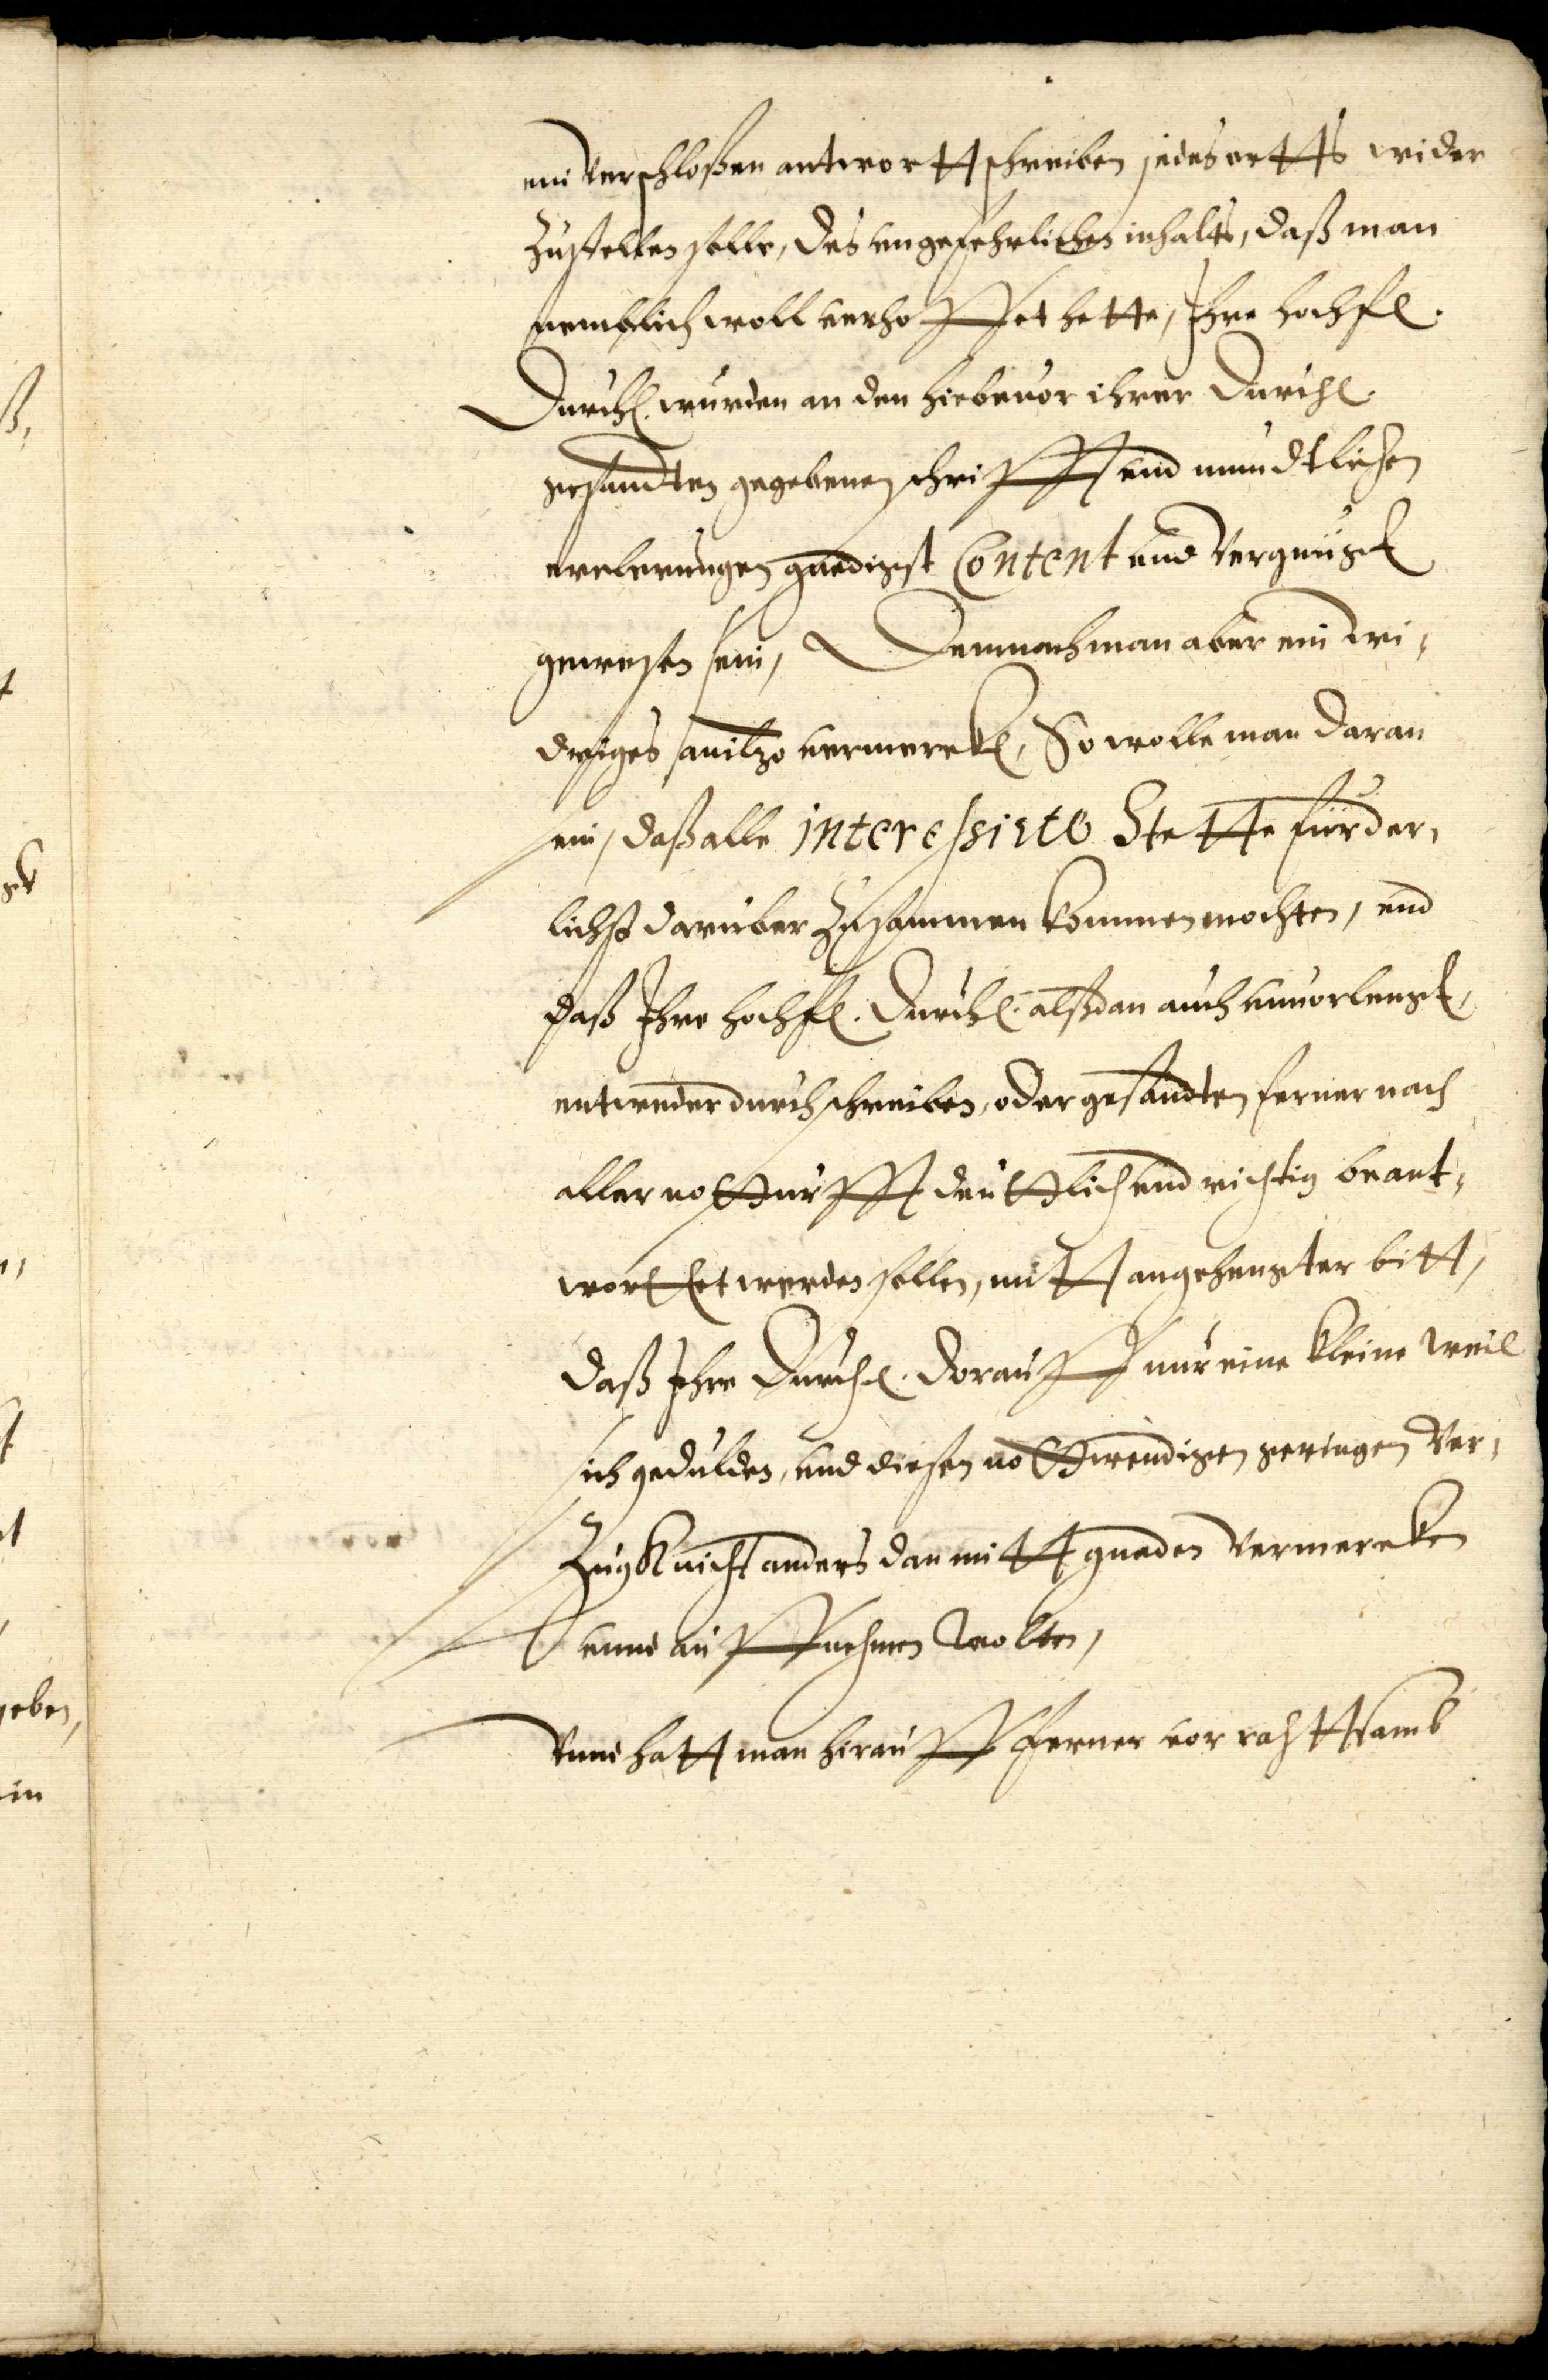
ein verschloßen antworttschreiben jedes ortts wider
zustellen solle, des vngefehrlichen inhalts, daß man
nemblich woll verhoffet hette, Ihre hochfl.
Durchl. wurden an den hirbeuor ihrer Durchl.
gesandten gegebenen schrifft vnd mundtlichen
erclerungen gnedigst Content vnd vergnügt
gewesen sein, Demnach man aber ein wi¬
driges anitzo vermerckt, So wolle man daran
sein, daß alle interessirte Stette fürder¬
lichst daruber zusammen kommen mochten, vnd
daß Ihre hochfl. Durchl. alßdan auch vnuorlengt,
entweder durch schreiben, oder gesandten ferner nach
aller notturfft deuttlich vnd richtig beant¬
worttet werden sollen, mitt angehengter bitt,
daß Jhre Durchl. dorauff nur eine kleine weil
sich gedulden, vnd diesen nottwendigen geringen Ver¬
zugk nicht anders dan mitt gnaden vermercken
vnnd auffnehmen Wolten,
Vnnd hatt man hirauff ferner vor rahttsamb
